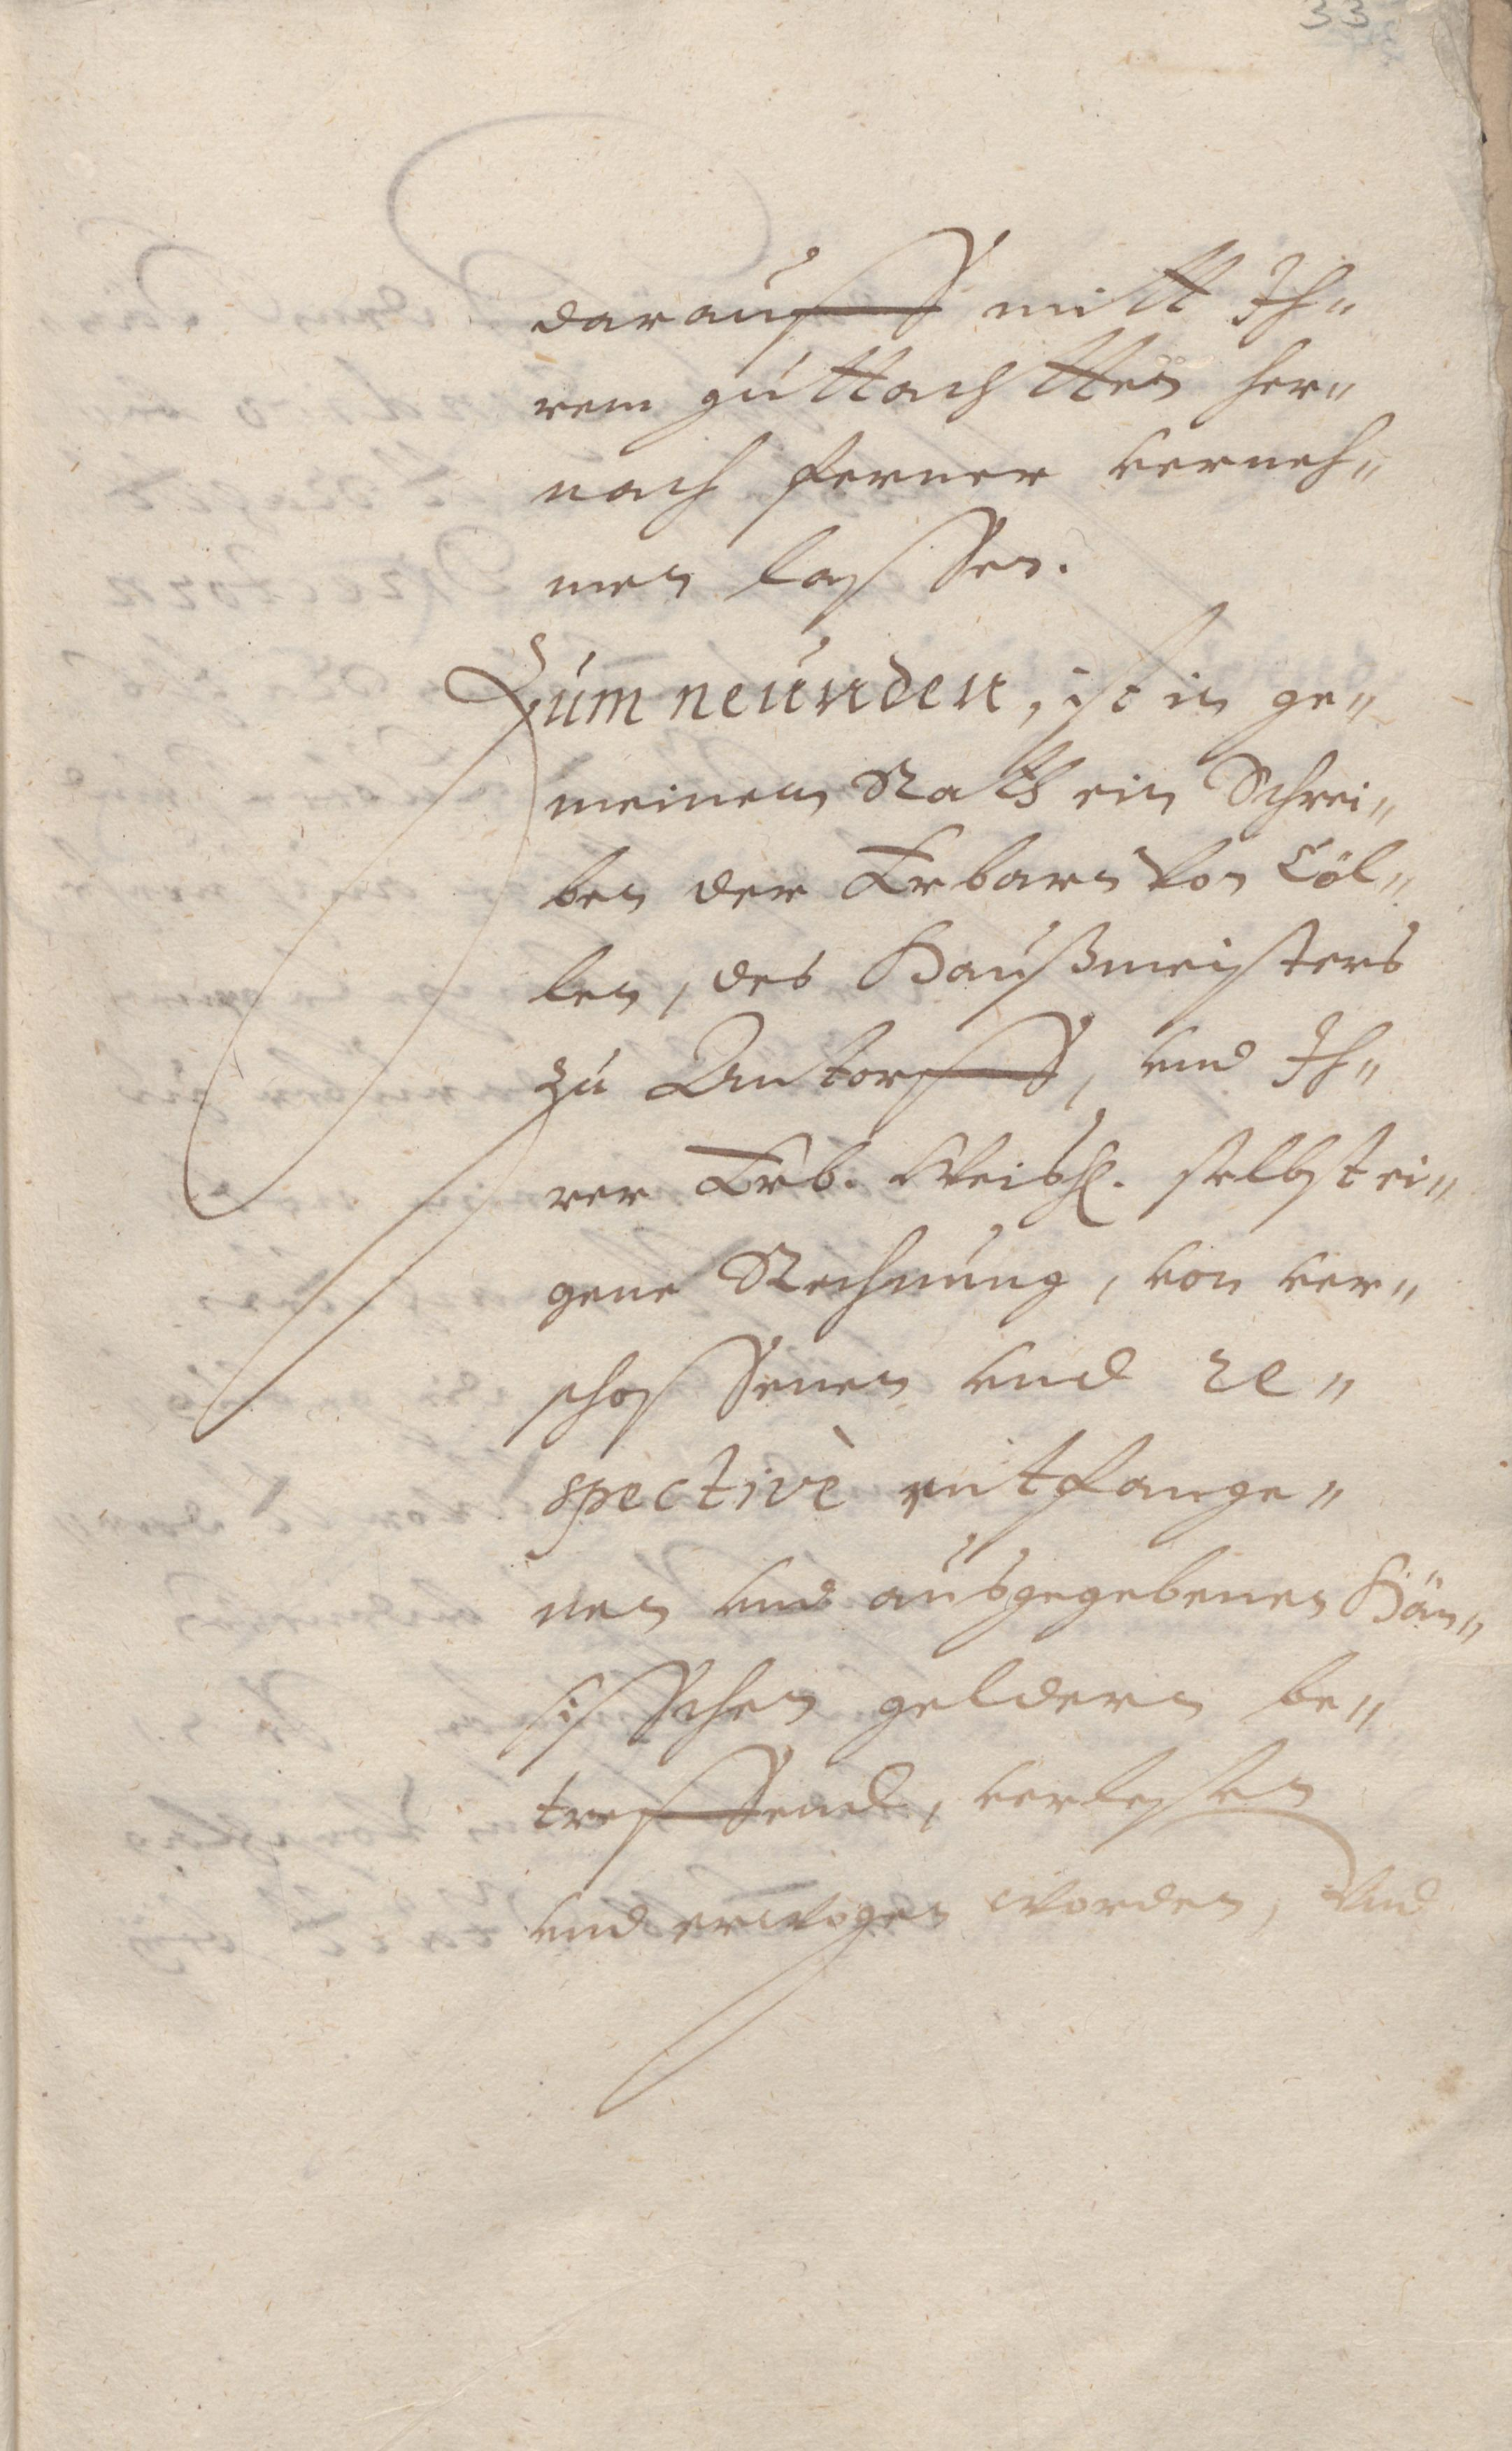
darauff mitt Ih¬
rem guttachtten her¬
nach ferner verneh¬
men lassen.
Zum neunden, ist in ge¬
meinem Rath ein Schrei¬
ben der Erbarn von Cöl¬
len, des Haußmeisters
zu Antorff, vnd Ih-
rer Erb. Weishl. selbst ei¬
gene Rechnung, von ver¬
schossenen vnd re¬
spective entfange¬
nen vnd ausgegebenen Hän¬
sischen geldern be¬
treffend, verlesen
vnd erwogen worden, Vnd
